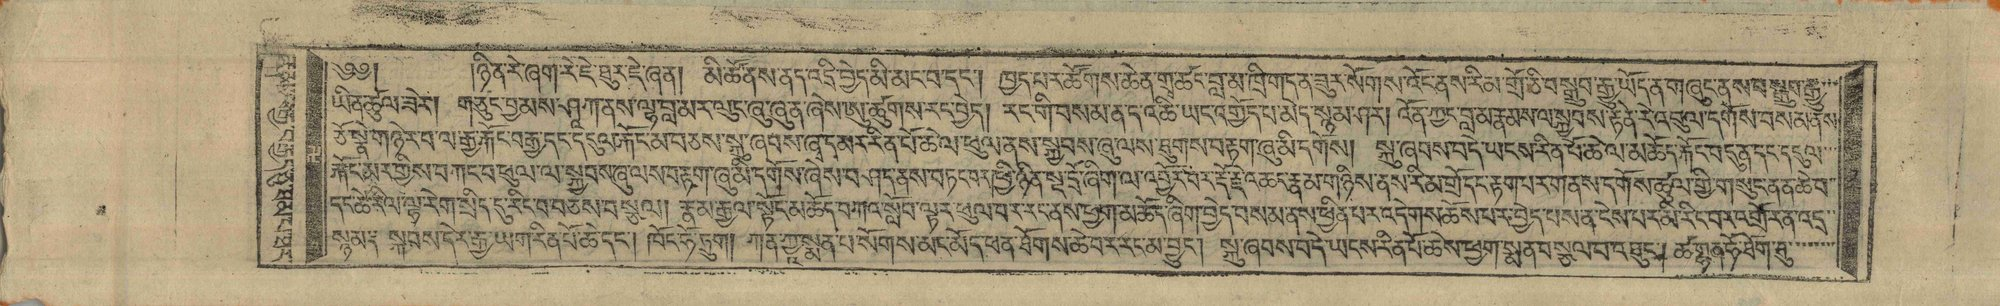༄༅། །ཉིན་རེ་ཞག་རེ་ཇེ་ཐུར་ཇེ་ཞན། མི་ཚོ་ནས་ནད་འདྲི་བྱེད་མི་མང་བ་དང་། ཁྱད་པར་ཚོགས་ཆེན་གྲྭ་ཚང་བླ་མ་ཁྲི་གདན་ཟུར་སོགས་འོང་ནས་རིམ་གྲོ་ཅི་བསྒྲུབ་རྒྱུ་ཡོད་ན་གཞུང་ནས་བསྒྲུབ་རྒྱུ་
ཡིན་ཚུལ་ཟེར། གཅུང་བྱམས་ཤཱཀ་ནས་ལྷ་བླ་མར་ལུང་ཞུ་ཞུ་ན་ཞེས་ཨུ་ཚུགས་རང་བྱེད། རང་གི་བསམ་ན་ད་འཆི་ཡང་འགྱོད་པ་མེད་སྙམ་ཤར། འོན་ཀྱང་བླ་མ་རྣམས་ལ་སྐྱབས་རྟེན་རེ་འབུལ་དགོས་བསམ་ནས་
ཅོ་སྣེ་གཉེར་བ་ལ་རྒྱ་རྐོང་བརྒྱ་དང་དངུལ་རྐོང་མ་བཅས་སྐུ་ཞབས་ཞྭ་དམར་རིན་པོ་ཆེ་ལ་ཕུལ་ནས་སྐྱབས་ཞུ་ལས་ཐུགས་བརྟག་ཞུ་མི་དགོས། སྐུ་ཞབས་བདེ་ཡངས་རིན་པོ་ཆེ་ལ་མཆོད་རྐོང་བདུན་དང་དངུལ་
རྐོང་མར་གྱིས་བཀང་བ་ཕུལ་ལ་སྐྱབས་ཞུ་ལས་བརྟག་ཞུ་མི་དགོས་ཞེས་བཤད་ནས་བཏང་བར། ཕྱི་ཉིན་སྔ་དྲོ་ཞིག་ལ་འབྱོར་བར་རྡོ་རྗེ་འཆང་རྣམ་གཉིས་ནས་རིམ་གྲོ་དང་རྟག་པར་གནས་དགོས་ཚུལ་གྱི་གསུང་ནན་ཆེ་བ་
དང་ཚེ་རིལ་ལྷ་རེག་སྲིད་དུ་རིང་བ་བཅས་བསྩལ། རྣམ་རྒྱལ་སྟོང་མཆོད་བཀའ་སློབ་ལྟར་ཕུལ་བར་རང་ནས་ཕྱག་མཆོད་ཞིག་བྱེད་བསམ་ནས་ཕྱིན་པར་འདེགས་ཆོས་པར་བྱེད་པས་ན་ངེས་པར་མི་རིང་བར་འགྲོ་རན་འདྲ་
སྙམ༑ སྐབས་དེར་རྒྱ་ཡག་རིན་པོ་ཆེ་དང་། ཁོང་ཧོ་ཏྲུག །ཀན་ཀྱཱ་སྨན་པ་སོགས་མང་མོད་ཕན་ཐོགས་ཆེ་བར་རང་མ་བྱུང་། སྐུ་ཞབས་བདེ་ཡངས་རིན་པོ་ཆེས་ཕྱག་སྨན་བསྩལ་བ་འཐུང་། ཚ་གྷན་ཧོ་ཐོག་ཐུ་